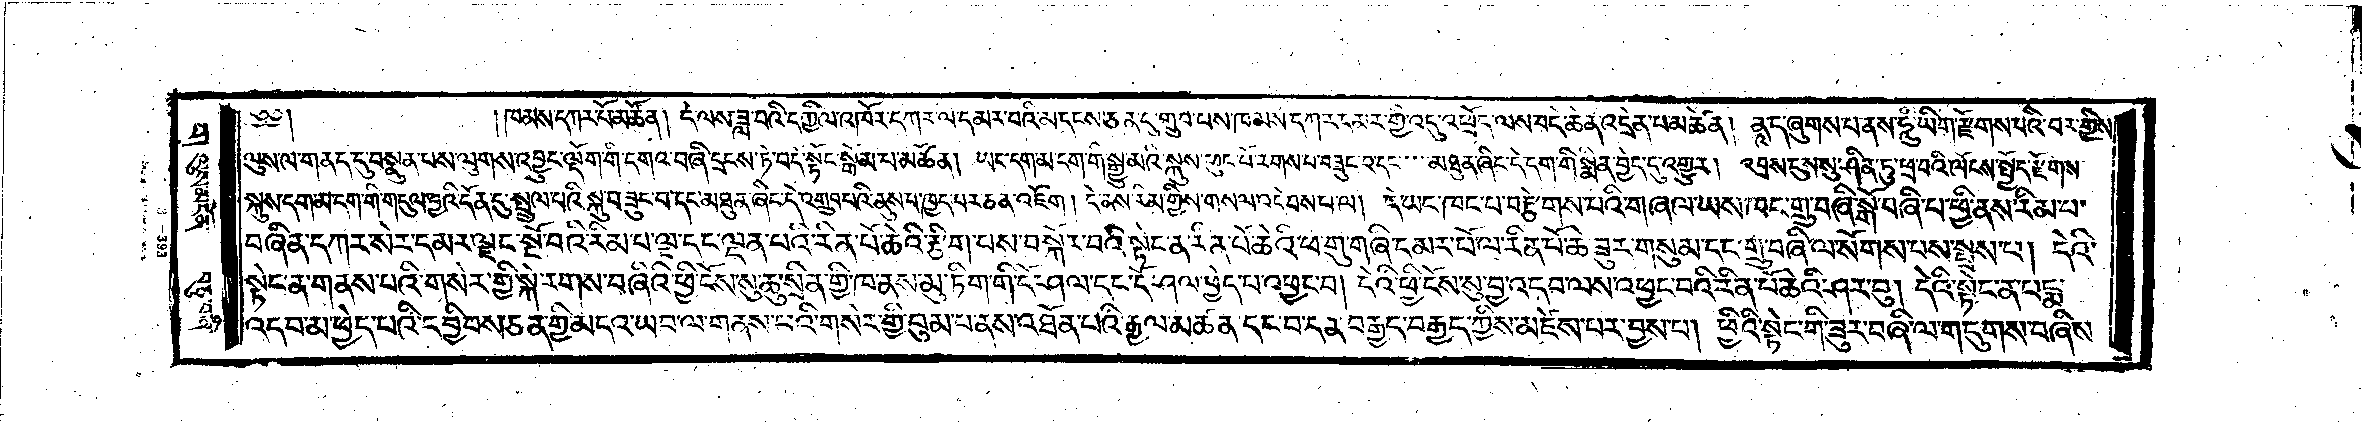༄༅། །ཁམས་དཀར་པོ་མཚོན། དེ་ལས་ཟླ་བའི་དཀྱིལ་འཁོར་དཀར་ལ་དམར་བའི་མདངས་ཅན་དུ་གྲུབ་པས་ཁམས་དཀར་དམར་གྱི་འདུ་འཕྲོད་ལས་བདེ་ཆེན་འདྲེན་པ་མཚོན། ནཱ་ད་ཞུགས་པ་ནས་ཧཱུཾ་ཡིག་རྫོགས་པའི་བར་གྱིས་
ལུས་ལ་གནད་དུ་བསྣུན་པས་ལུགས་འབྱུང་ལྡོག་གི་དགའ་བཞི་དྲངས་ཏེ་བདེ་སྟོང་སྒོམ་པ་མཚོན། ཡང་དག་མ་དག་གི་སྒྱུ་མའི་སྐུས་ཕུང་པོ་རགས་པ་བཟུང་ཨའ་དང་མཐུན་ཞིང་དེ་དག་གི་སྨིན་བྱེད་དུ་འགྱུར། འབྲས་དུས་སུ་ཤིན་ཏུ་ཕྲ་བའི་ལོངས་སྤྱོད་རྫོགས་
སྐུས་དག་མ་དག་གི་གདུལ་བྱའི་དོན་དུ་སྤྲུལ་པའི་སྐུ་བཟུང་བ་དང་མཐུན་ཞིང་དེ་འགྲུབ་པའི་ནུས་པ་ཁྱད་པར་ཅན་འཇོག །དེ་ནས་རིམ་གྱིས་གསལ་འདེབས་པ་ལ། དེ་ཡང་ཁང་པ་བརྩེགས་པའི་གཞལ་ཡས་ཁང་གྲུ་བཞི་སྒོ་བཞི་པ་ཕྱི་ནས་རིམ་པ་
བཞིན་དཀར་སེར་དམར་ལྗང་སྔོ་བའི་རིམ་པ་ལྔ་དང་ལྡན་པའི་རིན་པོ་ཆེའི་རྩིག་པས་བསྐོར་བའི་སྟེང་ན་རིན་པོ་ཆེའི་ཕ་གུ་གཞི་དམར་པོ་ལ་རིན་པོ་ཆེ་ཟུར་གསུམ་དང་གྲུ་བཞི་ལ་སོགས་པས་སྤྲས་པ། དེའི་
སྟེང་ན་གནས་པའི་གསེར་གྱི་སྐེ་རགས་བཞིའི་ཕྱི་ངོས་སུ་ཆུ་སྲིན་གྱི་ཁ་ནས་མུ་ཏིག་གི་དོ་ཤལ་དང་དོ་ཤལ་ཕྱེད་པ་འཕྱང་བ། དེའི་ཕྱི་ངོས་སུ་བྱ་འདབ་ལས་འཕྱང་བའི་རིན་པོ་ཆེའི་ཤར་བུ། དེའི་སྟེང་ན་པདམ་
འདབ་མ་ཕྱེད་པའི་དབྱིབས་ཅན་གྱི་མདའ་ཡབ་ལ་གནས་པའི་གསེར་གྱི་བུམ་པ་ནས་འཐོན་པའི་རྒྱལ་མཚན་དང་བ་དན་བརྒྱད་བརྒྱད་ཀྱིས་མཛེས་པར་བྱས་པ། ཕྱིའི་སྟེང་གི་ཟུར་བཞི་ལ་གདུགས་བཞིས་